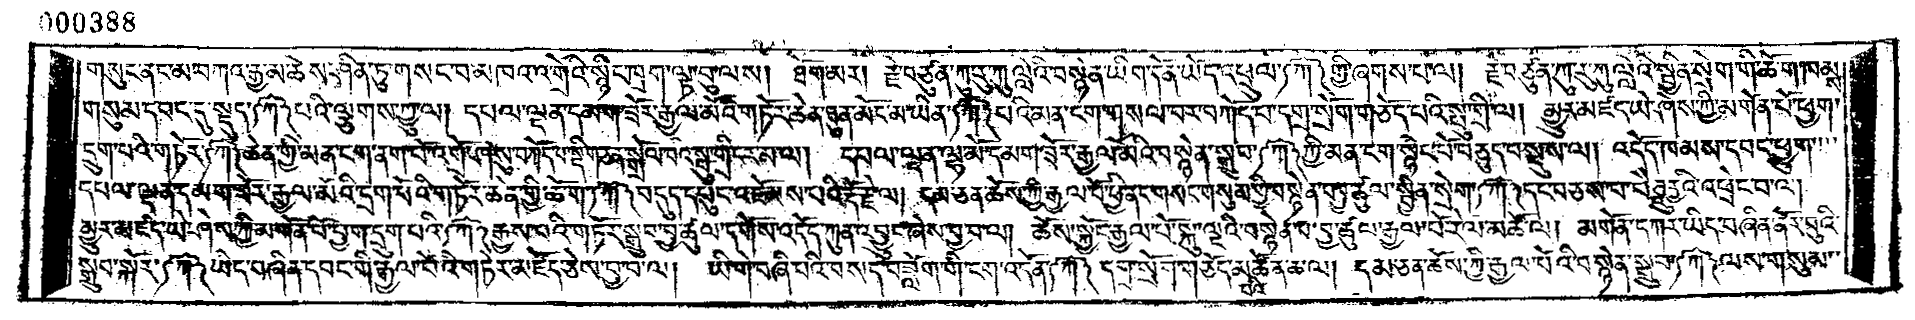གསུང་ནང་མ་བཀའ་རྒྱ་མ་ཆེས་ཤིན་ཏུ་གསང་བ་མཁའ་འགྲོའི་སྙིང་ཁྲག་ལྟ་བུ་ལས། ཐོག་མར། རྗེ་བཙུན་ཀུ་རུ་ཀུ་ལླེའི་བསྙེན་ཡིག་དོན་ཡོད་འཕྲུལ ༼ཀ༽ གྱི་ཞགས་པ་ལ། རྗེ་བཙུན་ཀུ་རུ་ཀུ་ལླེའི་སྦྱིན་སྲེག་གི་ཆོ་ག་ཁམས་
གསུམ་དབང་དུ་སྡུད ༼ཀ༽ པའི་ལྕགས་ཀྱུ་ལ། དཔལ་ལྡན་དམག་ཟོར་རྒྱལ་མོའི་གཏོར་ཆེན་ཐུན་མོང་མ་ཡིན ༼ཀ༽ པའི་མན་ངག་གསལ་བར་བཀོད་པ་དགྲ་སྲོག་གཅོད་པའི་སྤུ་གྲི་ལ། མྱུར་མཛད་ཡེ་ཤེས་ཀྱི་མགོན་པོ་ཕྱག་
དྲུག་པའི་གཏོར ༼ཀ༽ ཆེན་གྱི་མན་ངག་ནག་པོ་འགྲོ་ཤེསུ་བཀོད་པ་སྡིག་ཅན་སྒྲོལ་བའི་སྤུ་གྲི་ངར་མ་ལ། དཔལ་ལྡན་ལྷ་མོ་དམག་ཟོར་རྒྱལ་མོའི་བསྙེན་སྒྲུབ ༼ཀ༽ ཀྱི་མན་ངག་སྙིང་པོ་བཅུད་བསྡུས་ལ། འདོད་ཁམས་དབང་ཕྱུག་
དཔལ་ལྡན་དམག་ཟོར་རྒྱལ་མོའི་དྲག་པོའི་གཏོར་ཆེན་གྱི་ཆོ་ག ༼ཀ༽ བདུད་དཔུང་འཇོམས་པའི་རྡོ་རྗེ་ལ། དམ་ཅན་ཆོས་ཀྱི་རྒྱལ་པོ་ཕྱི་ནང་གསང་གསུམ་གྱི་བསྙེན་པ་བྱ་ཚུལ་སྦྱིན་སྲེག ༼ཀ༽ དང་བཅས་པ་བཻཊཱུརྱའི་འཕྲེང་བ་ལ།
མྱུར་མཛད་ཡེ་ཤེས་ཀྱི་མགོན་པོ་ཕྱག་དྲུག་པའི ༼ཀ༽ རྒྱས་པའི་གཏོར་སྒྲུབ་བྱ་ཚུལ་དགོས་འདོད་ཀུན་འབྱུང་ཞེས་བྱ་བ་ལ། ཆོས་སྐྱོང་རྒྱལ་པོ་སྐུ་ལྔའི་བསྙེན་པ་བྱ་ཚུལ་རྒྱལ་པོ་རེལ་མཚོ་ལ། མགོན་དཀར་ཡིད་བཞིན་ནོར་བུའི་
སྒྲུབ་སྐོར ༼ཀ༽ ཡིད་བཞིན་དབང་གི་རྒྱལ་པོའི་གཏེར་མཛོད་ཅེས་བྱ་བ་ལ། ཡི་གེ་བཞི་པའི་བསད་བཟློག་གི་ངག་འདོན ༼ཀ༽ དགྲ་སྲོག་གཅོད་པའི་མཚོན་ཆ་ལ། དམ་ཅན་ཆོས་ཀྱི་རྒྱལ་པོའི་བསྙེན་སྒྲུབ ༼ཀ༽ ལས་གསུམ་